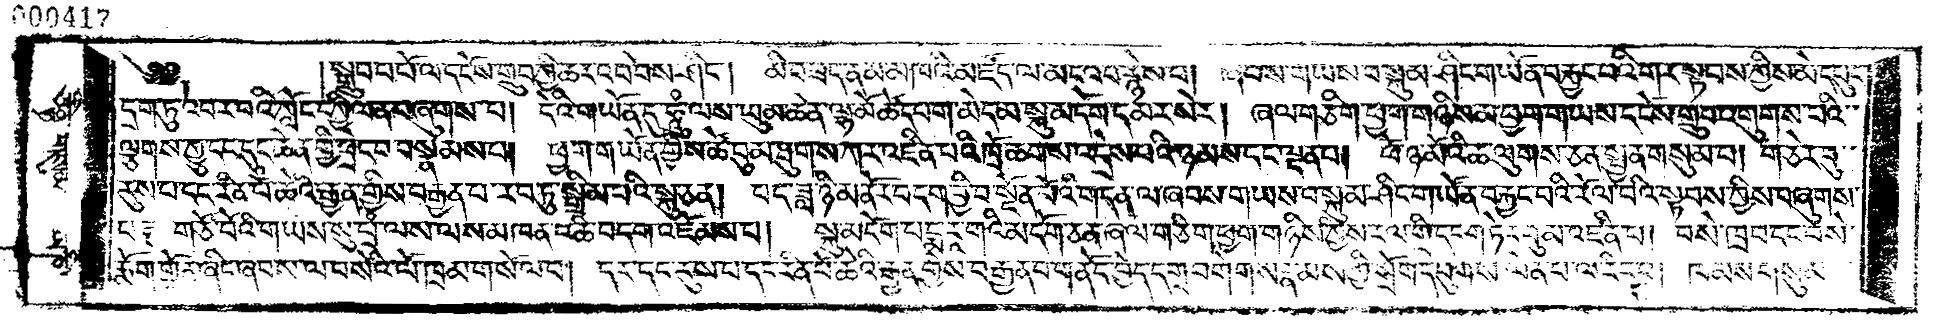༄༅། །སྒྲུབ་པ་པོ་ལ་དངོས་གྲུབ་ཀྱི་ཆར་འབེབས་ཤིང་། མི་བཟད་ནམ་མཁའི་མཛོད་ལ་མངའ་བརྙེས་པ། ཞབས་གཡས་བསྐུམ་ཤིང་གཡོན་བརྐྱང་བའི་གར་སྟབས་ཀྱིས་མེ་དཔུང་
དྲག་ཏུ་འབར་བའི་ཀློང་དཀྱིལ་ན་བཞུགས་པ། དེའི་གཡོན་དུ་ཧཱུཾ་ལས་ཡུམ་ཆེན་ལྷ་མོ་ཚེ་དཔག་མེད་མ་སྐུ་མདོག་དམར་སེར། ཞལ་གཅིག་ཕྱག་གཉིས་མ་ཕྱག་གཡས་དངོས་གྲུབ་འགུགས་པའི་
ལྕགས་ཀྱུ་དང་དུང་ཆེན་གྱི་ཕྲེང་བ་བསྣམས་པ། ཕྱག་གཡོན་གྱིས་ཚེ་བུམ་ཐུགས་ཀར་འཛིན་པའི་ཁྲོ་ཆགས་འདྲེས་པའི་ཉམས་དང་ལྡན་པ། ཕོ་ཉ་མོའི་ཆ་ལུགས་ཅན་སྤྱན་གསུམ་པ། གཅེར་བུ་
རུས་པ་དང་རིན་པོ་ཆེའི་རྒྱན་གྱིས་བརྒྱན་པ་རབ་ཏུ་སྒྲིམ་པའི་སྐུ་ཅན། པད་ཟླ་ཉི་མ་ནོར་བདག་བྱི་བ་སྔོན་པོའི་གདན་ལ་ཞབས་གཡས་བསྐུམ་ཤིང་གཡོན་བརྐྱང་བའི་རོལ་བའི་སྟབས་ཀྱིས་བཞུགས་
པ༑ གཙོ་བོའི་གཡས་སུ་པྲཾ་ལས་ལས་མཁན་འཆི་བདག་འཇོམས་པ། སྐུ་མདོག་པདམ་རཱ་གའི་མདོག་ཅན་ཞལ་གཅིག་ཕྱག་གཉིས་ཀྱིས་རལ་གྲི་དང་གཏེར་བུམ་འཛིན་པ། བསེ་ཁྲབ་དང་བསེ་
རྨོག་གྱོན་ཞིང་ཞབས་ལ་བསེའི་ལོ་ཁྲམ་གསོལ་བ། དར་དང་རུས་པ་དང་རིན་པོ་ཆེའི་རྒྱན་གྱིས་བརྒྱན་པ་གནོད་བྱེད་དགྲ་བགེགས་རྣམས་ཀྱི་སྲོག་དབུགས་ལེན་པ་ལ་རིངས་པ། ཁམས་གསུམ་